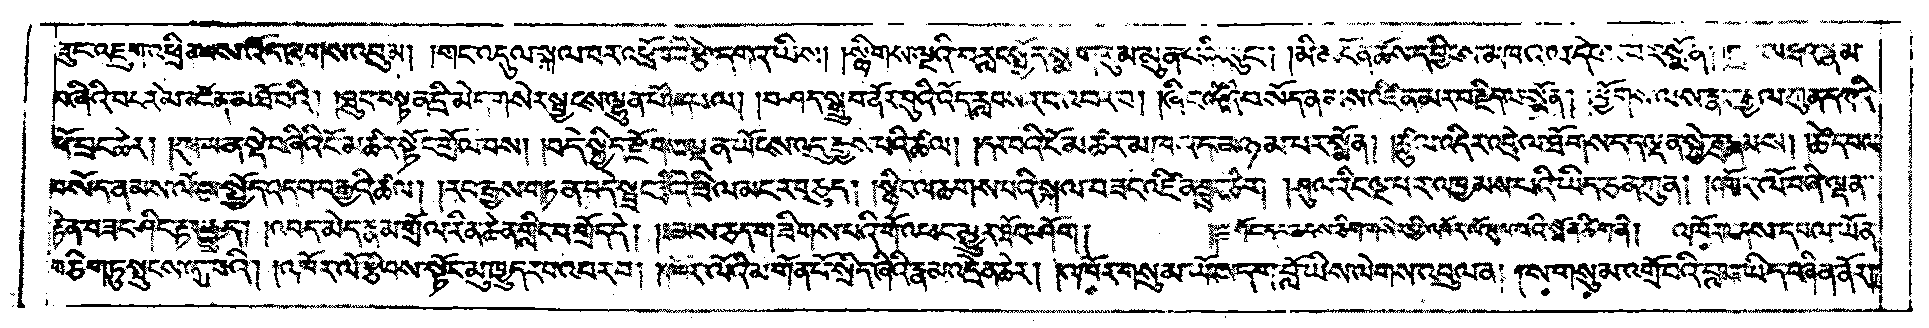ཟུང་འཇུག་འཕྲིན་ལས་འོད་ཞགས་འབུམ། །གང་འདུལ་སྐལ་བར་འཕྲོ་བའི་རྩེ་དགའ་ཡིས། །སྙིགས་ལྔའི་བརླང་སྤྱོད་སྨག་རུམ་མུན་པའི་དཔུང་། །མི་མངོན་ཆོས་དབྱིངས་མཁའ་ལ་དེངས་བར་སྨོན། །གྲུབ་མཐའ་རྣམ་
བཞིའི་བང་རིམ་མངོན་མཐོ་བའི། །ཐུབ་བསྟན་དྲི་མེད་གསེར་སྦྱངས་ལྷུན་པོའི་དཔལ། །བཤད་སྒྲུབ་ནོར་བུའི་འོད་རླབས་རབ་འབར་བ། །ཞིང་འདིའི་བསོད་ནམས་འཛིན་མར་བརྗིད་ལ་སྨོན། །ཕྱོགས་ལས་རྣམ་རྒྱལ་ཀུན་དགའི་
ཕོ་བྲང་ཆེར། །ཀུན་ཕན་སྡེ་བཞིའི་ངོ་མཚར་སྟོང་གྲོལ་བས། །བདེ་སྐྱིད་རྫོགས་ལྡན་ཡོངས་འདུ་རྒྱས་པའི་ཚལ། །དར་བའི་ངོ་མཚར་མཁའ་དང་མཉམ་པར་སྨོན། །ཚུལ་འདིར་འབྲེལ་ཐོགས་དད་ལྡན་སྐྱེ་རྒུ་རྣམས། །ཚེ་དཔལ་
བསོད་ནམས་ལོངས་སྤྱོད་འདབ་བརྒྱའི་ཚལ། །རབ་རྒྱས་གཏན་བདེ་སྦྲང་རྩིའི་ཟིལ་མངར་བཅུད། །སྙིང་ལ་ཆགས་པའི་སྐལ་བཟང་འཛིན་གྱུར་ཅིག །ཤུལ་རིང་ལྔ་པར་འཁྱམས་པའི་ཡིད་ཅན་ཀུན། །འཁོར་ལོ་བཞི་ལྡན་
རྟེན་བཟང་ཤིང་རྟ་བརྒྱུད། །འབད་མེད་རྣམ་གྲོལ་རིན་ཆེན་གླིང་བགྲོད་དེ། །ཐམས་ཅད་གཟིགས་པའི་གོ་འཕང་མྱུར་ཐོབ་ཤོག ། །། ༈ གོང་དང་ཆབས་ཅིག་གསེར་གྱི་འཁོར་ལོ་ཕུལ་བའི་སྨོན་ཚིག་ནི།  འཁོར྾་འདས་དཔལ་ཡོན་
གཅིག་ཏུ་སྤུངས་འདྲ་བའི། །འཁོར྾་ལོ་རྩིབས་སྟོང་མུ་ཁྱུད་རབ་འབར་བ། །འཁོར྾་ལོའི་མགོན་པོ་སྲིད་ཞིའི་རྣམ་འདྲེན་ཆེར། །འཁོར྾་གསུམ་ཡོངས་དག་བློ་ཡིས་ལེགས་འབུལ་ན། །ས྾་གསུམ྾་འགྲོ་བའི་བླ་མ་ཡིད་བཞིན་ནོར། །